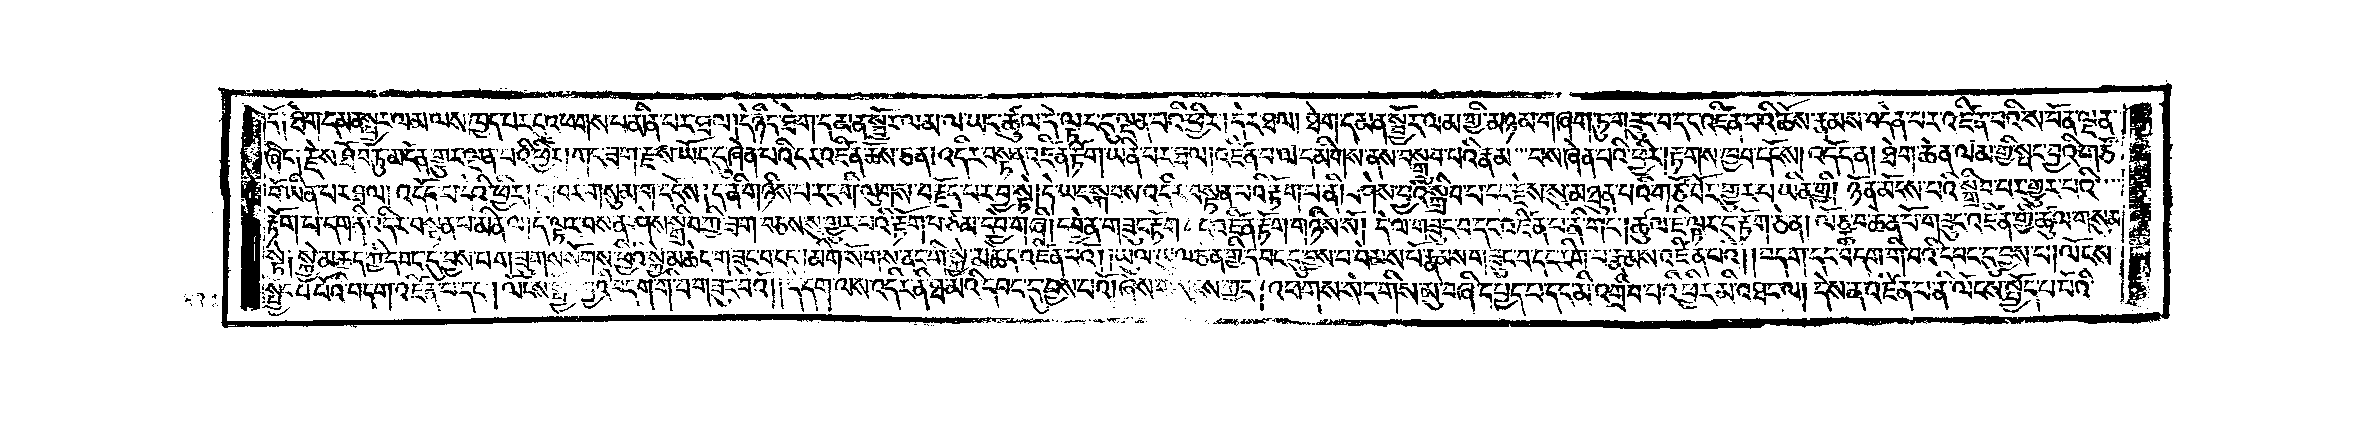དོ། ཐེག་དམན་སྦྱོར་ལམ་ལས་ཁྱད་པར་དུ་འཕགས་པ་མིན་པར་ཐལ། དེ་ཉིད་ཐེག་དམན་སྦྱོར་ལམ་ལ་ཡང་ཚུལ་དེ་ལྟར་དུ་ལྡན་པའི་ཕྱིར། དེར་ཐལ། ཐེག་དམན་སྦྱོར་ལམ་གྱི་མཉམ་གཞག་ཏུ་གཟུང་བ་དང་འཛིན་པའི་ཆོས་རྣམས་བདེན་པར་འཛིན་པའི་ས་བོན་ལྡན་
ཞིང་། རྗེས་ཐོབ་ཏུ་མངོན་གྱུར་ལྡན་པའི་ཕྱིར། གང་ཟག་རྫས་ཡོད་དུ་ཞེན་པའི་ངར་འཛིན་ཆོས་ཅན། འདིར་བསྟན་འཛིན་རྟོག་ཡིན་པར་ཐལ། འཛིན་པ་ལ་དམིགས་ནས་བསྒྲུབ་པའི་རྣམ་པས་ཞེན་པའི་ཕྱིར། རྟགས་ཁྱབ་དངོས། འདོད་ན། ཐེག་ཆེན་ལམ་གྱི་སྤང་བྱའི་གཙོ་
བོ་ཡིན་པར་ཐལ། འདོད་པ་དེའི་ཕྱིར། འཁོར་གསུམ་ཀ་དངོས། དེ་ནི་གཉིས་པ་རང་གི་ལུགས་བརྗོད་པར་བྱ་སྟེ། དེ་ཡང་སྐབས་འདིར་བསྟན་པའི་རྟོག་པ་ནི། ཤེས་བྱའི་སྒྲིབ་པ་དང་རྗེས་སུ་མཐུན་པའི་གཙོ་བོར་གྱུར་པ་ཡིན་གྱི། ཉོན་མོངས་པའི་སྒྲིབ་པར་གྱུར་པའི་
རྟོག་པ་དག་ནི་འདིར་བསྟན་པ་མིན་ལ། དེ་ལྟར་བས་ན་ཤེས་སྒྲིབ་ཀྱི་ཟག་བཅས་སུ་གྱུར་བའི་རྟོག་པ་ཙམ་དབྱེ་གཞི། དབྱེ་ན་གཟུང་རྟོག་དང་འཛིན་རྟོག་གཉིས་སོ། དེ་ལ་གཟུང་བ་དང་འཛིན་པ་ནི་གང་། ཚུལ་ཇི་ལྟར་དུ་རྟོག་ཅེ་ན། ལོ་ཙྪ་བ་ཆེན་པོ་གཟུང་འཛིན་གྱི་ཚུལ་གསུམ་
སྟེ། སྐྱེ་མཆེད་ཀྱི་དབང་དུ་བྱས་པ་གཟུགས་སོགས་ཕྱིའི་སྐྱེ་མཆེད་གཟུང་བ་དང་། མིག་སོགས་ནང་གི་སྐྱེ་མཆེད་འཛིན་པའོ། །ཡུལ་ཡུལ་ཅན་གྱི་དབང་དུ་བྱས་པ་བེམས་པོ་རྣམས་གཟུང་བ་དང་རིག་པ་རྣམས་འཛིན་པའོ། །བདག་དང་བདག་གི་བའི་དབང་དུ་བྱས་པ། ལོངས་
སྤྱོད་པ་པོའི་བདག་འཛིན་པ་དང་། ལོངས་སྤྱོད་བྱའི་བདག་གི་བ་གཟུང་བའོ། །དེ་དག་ལས་འདིར་ནི་ཐ་མའི་དབང་དུ་བྱས་པའོ། ཞེས་གསུངས་ཀྱང་། འཕགས་སེང་གིས་མུ་བཞི་དཔྱད་པ་དང་མི་འགྲིབ་པའི་ཕྱིར་མི་འཐད་ལ། དེས་ན་འཛིན་པ་ནི་ལོངས་སྤྱོད་པ་པོའི་